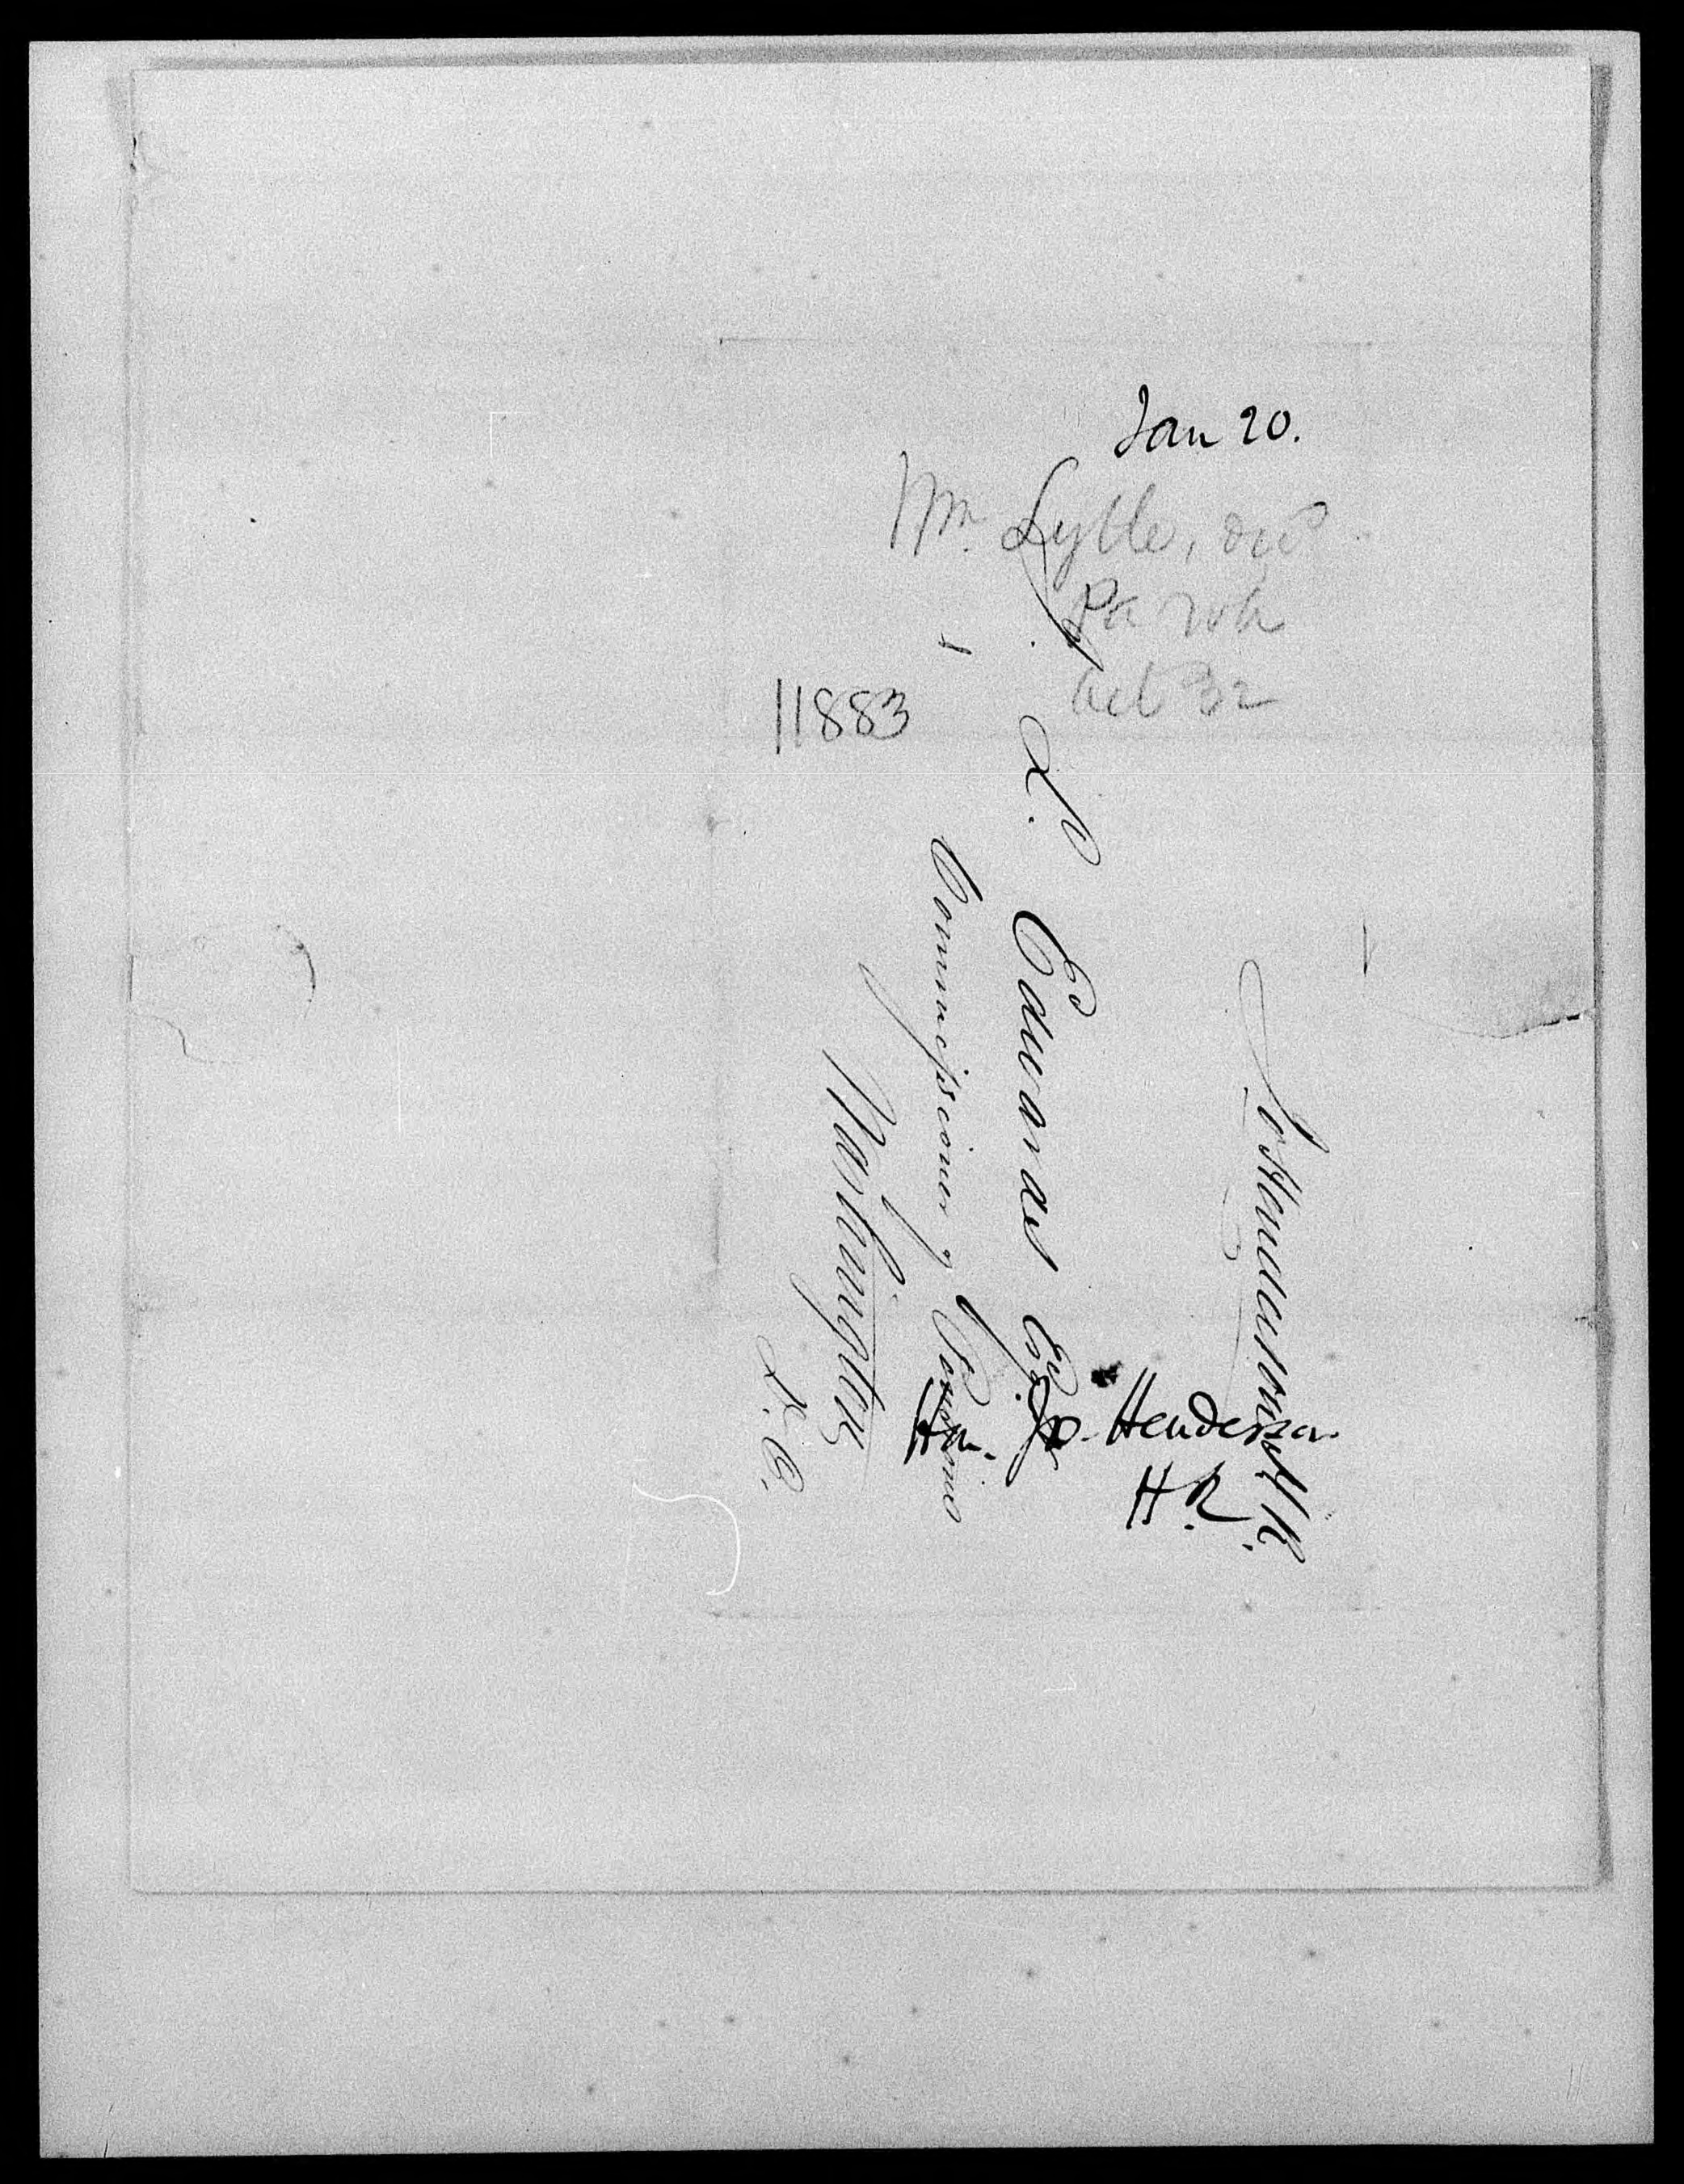Jan 20.
Wm Lytle, or'd
Parole
Act 32
11883

Jos. Henderson H.R.

J L Edwards Esq
Commissioner of Pensions
Washington D.C.

Hon. Jos Henderson
H.R.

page: 11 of 24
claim: survivor's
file: S. 13810, for William Lytle, New York